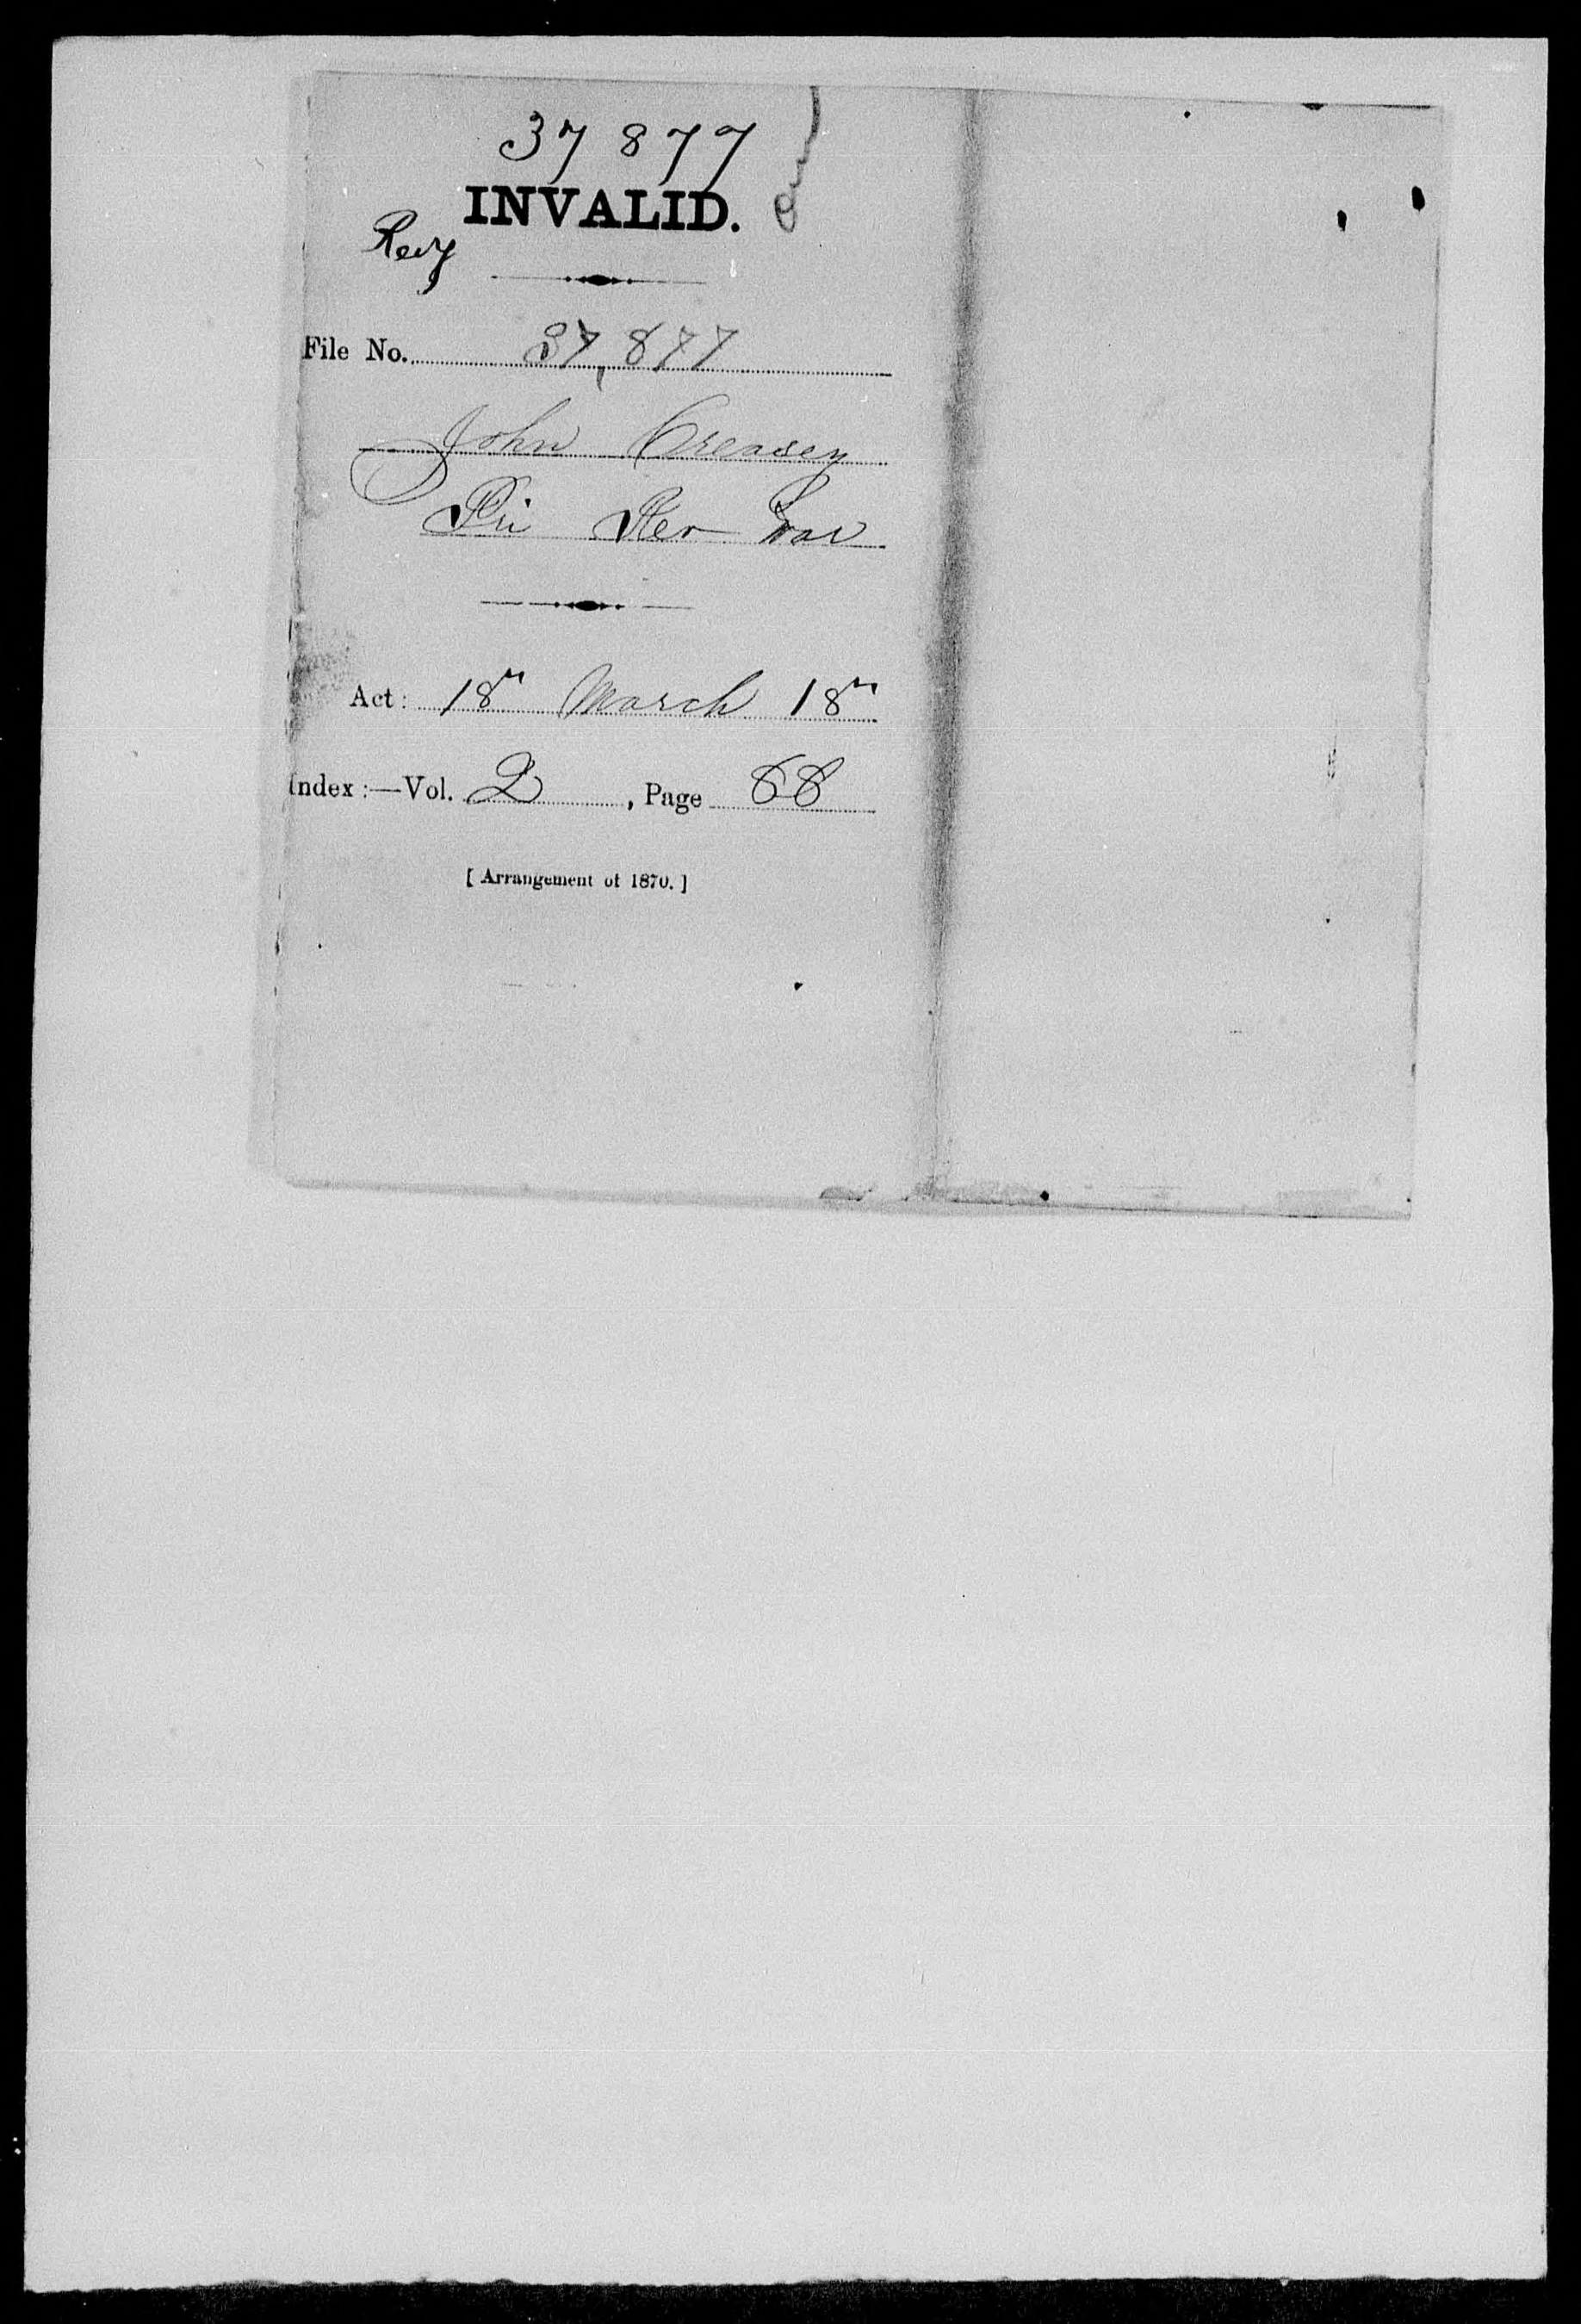[printed form, handwritten responses]
37 877
INVALID. 
[illegible]
Revy

File No. 37,877
John Creasey 
Pri Rev war

Act: 18th March 18th
Index:-Vol. 2, Page 88

[Arrangement of 1870.]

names: John Creasey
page: 13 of 16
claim: survivor's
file: S. 37,877, John Creasey, Va.